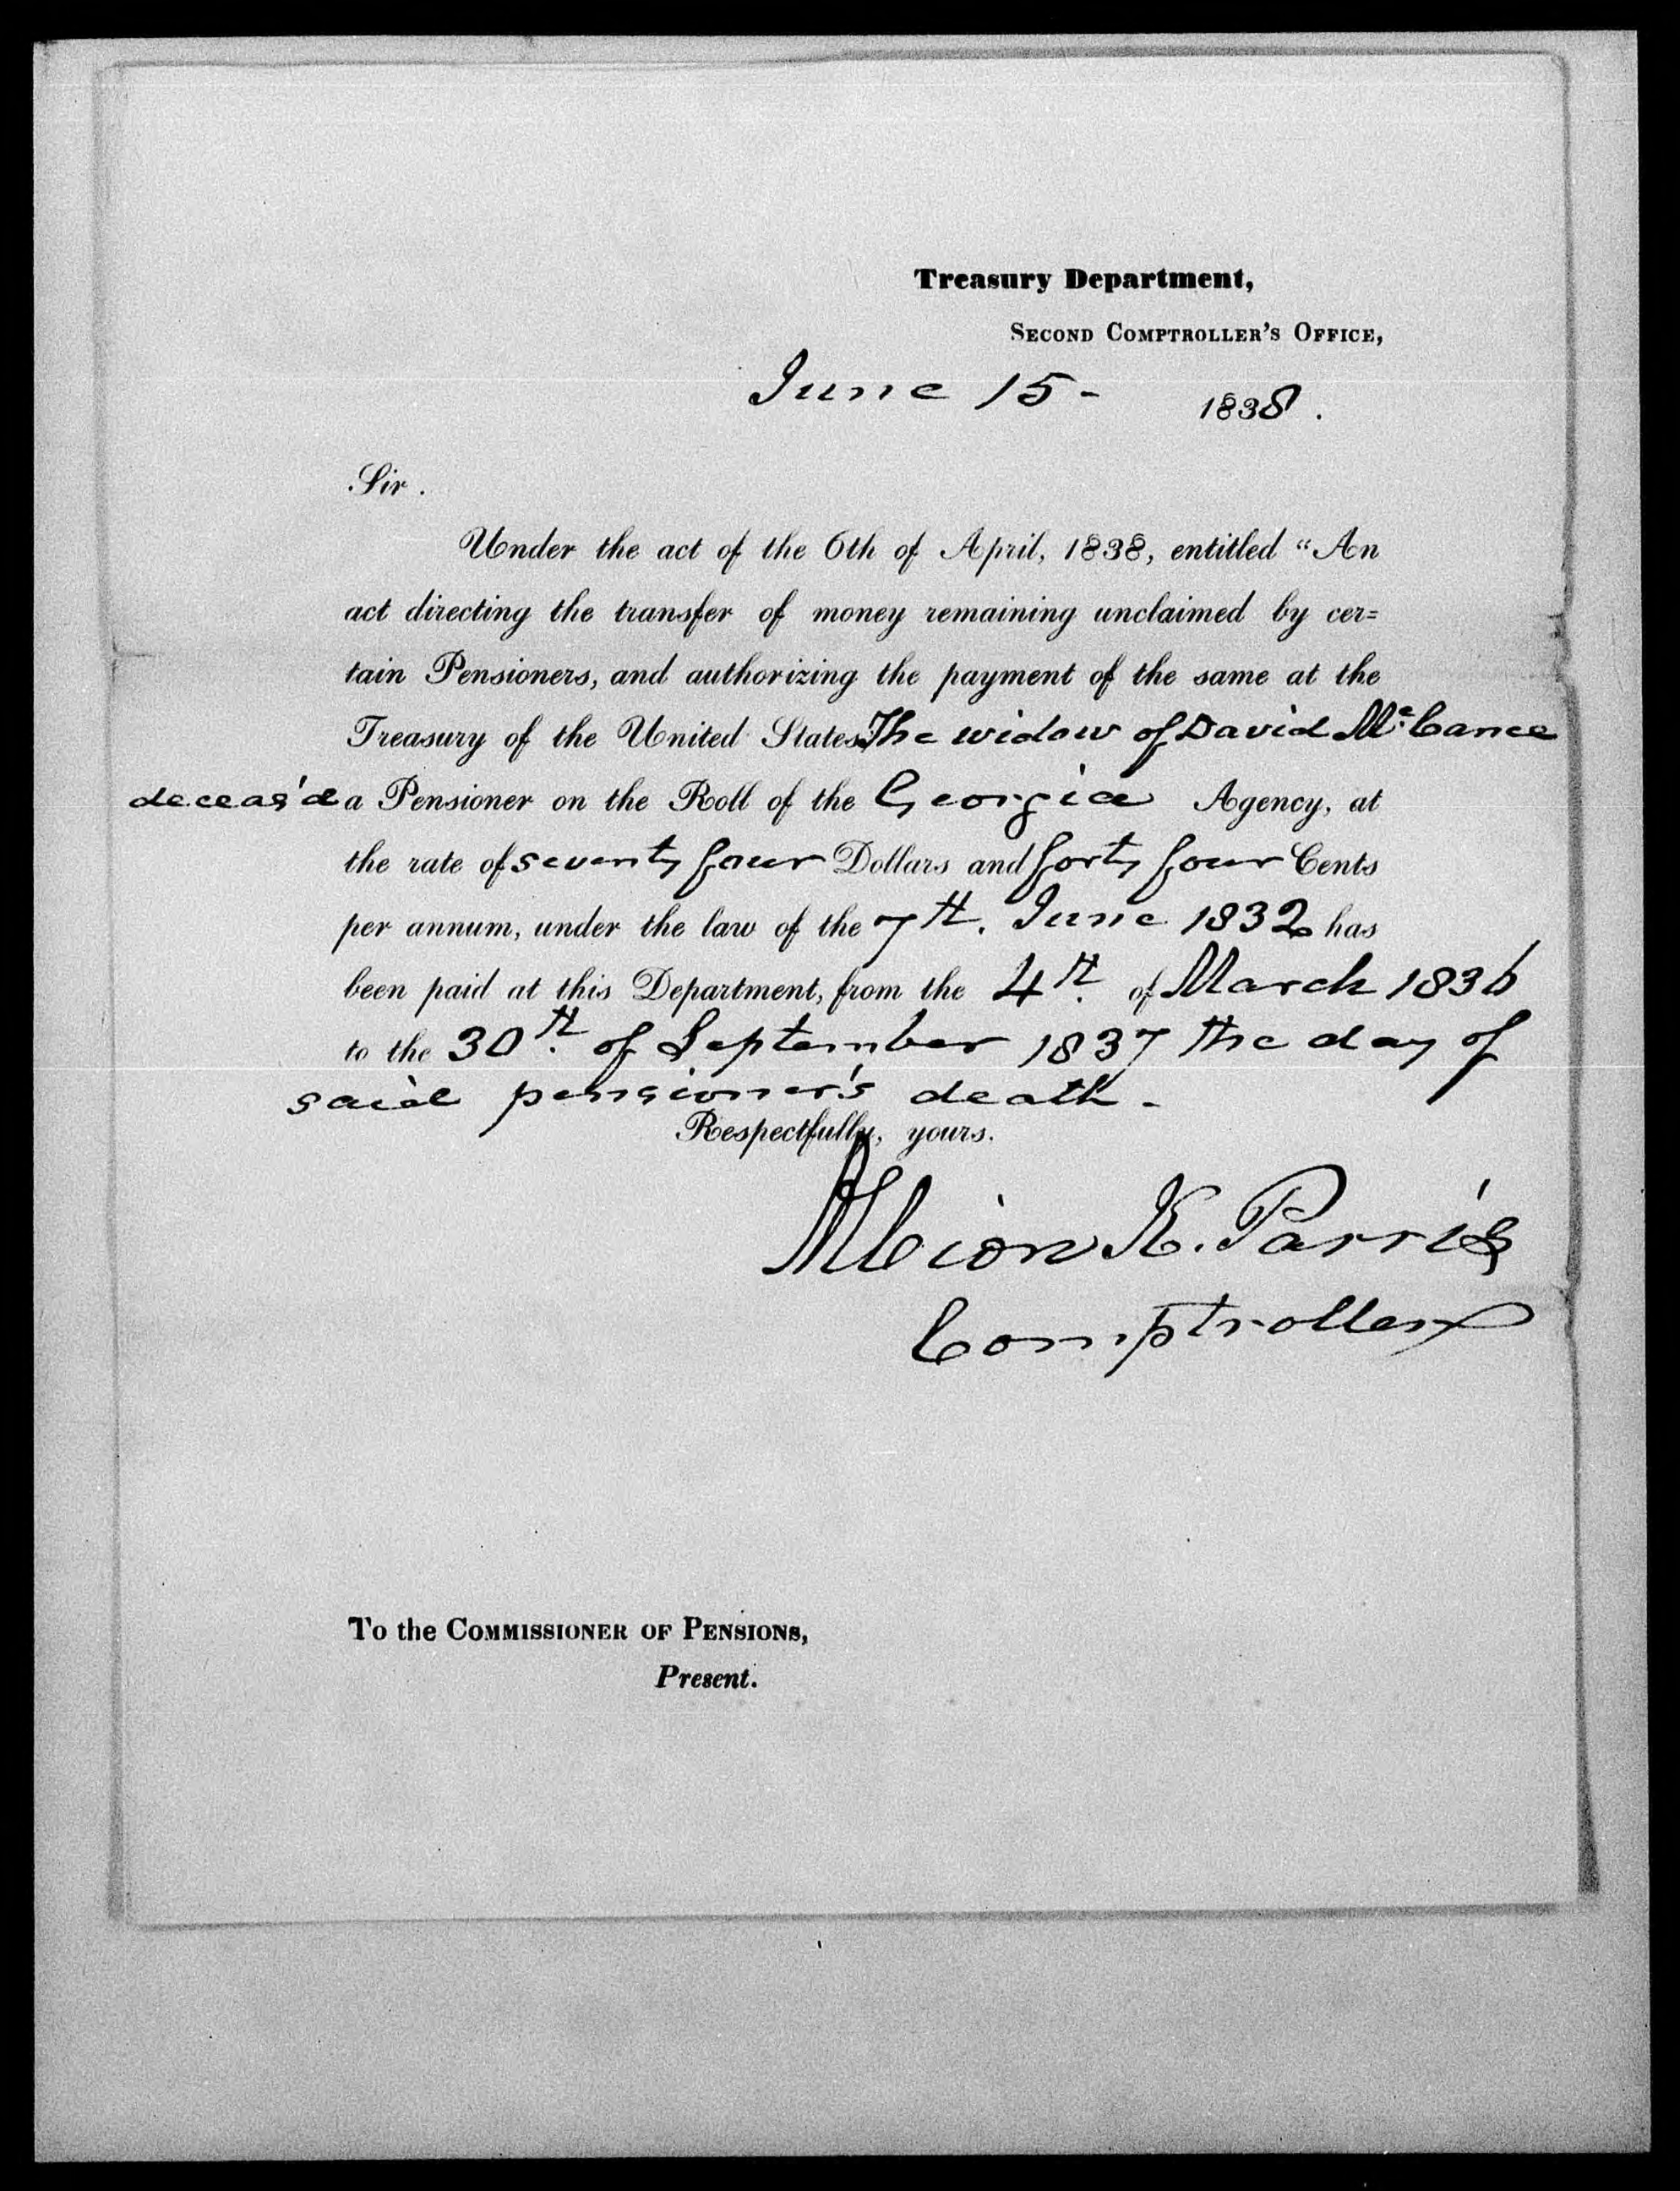Treasury Department
SECOND COMPTROLLER'S OFFICE,
June 15 - 1838
Sir.
Under the act of the 6th of April, 1838, entitled "An
act directing the transfer of money remaining unclaimed by certain
Pensioners, and authorizing the payment of the same at the
Treasury of the United States The widow of David McCance
deceas'd a Pensioner on the Roll of the Georgia Agency, at
the rate of seventy four Dollars and forty four Cents
per annum, under the law of the 7th June 1832 has
been paid at this Department, from the 4th of March 1836
to the 30th of September 1837 the day of
said pensioner's death.
Respectfully, yours,
Albion K. Parris
Comptroller
To the COMMISSIONER OF PENSIONS,
Present.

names: David Mc Cance; Albion K Parris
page: 4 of 13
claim: survivor's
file: S. 16464, for David Mc Cance, South Carolina